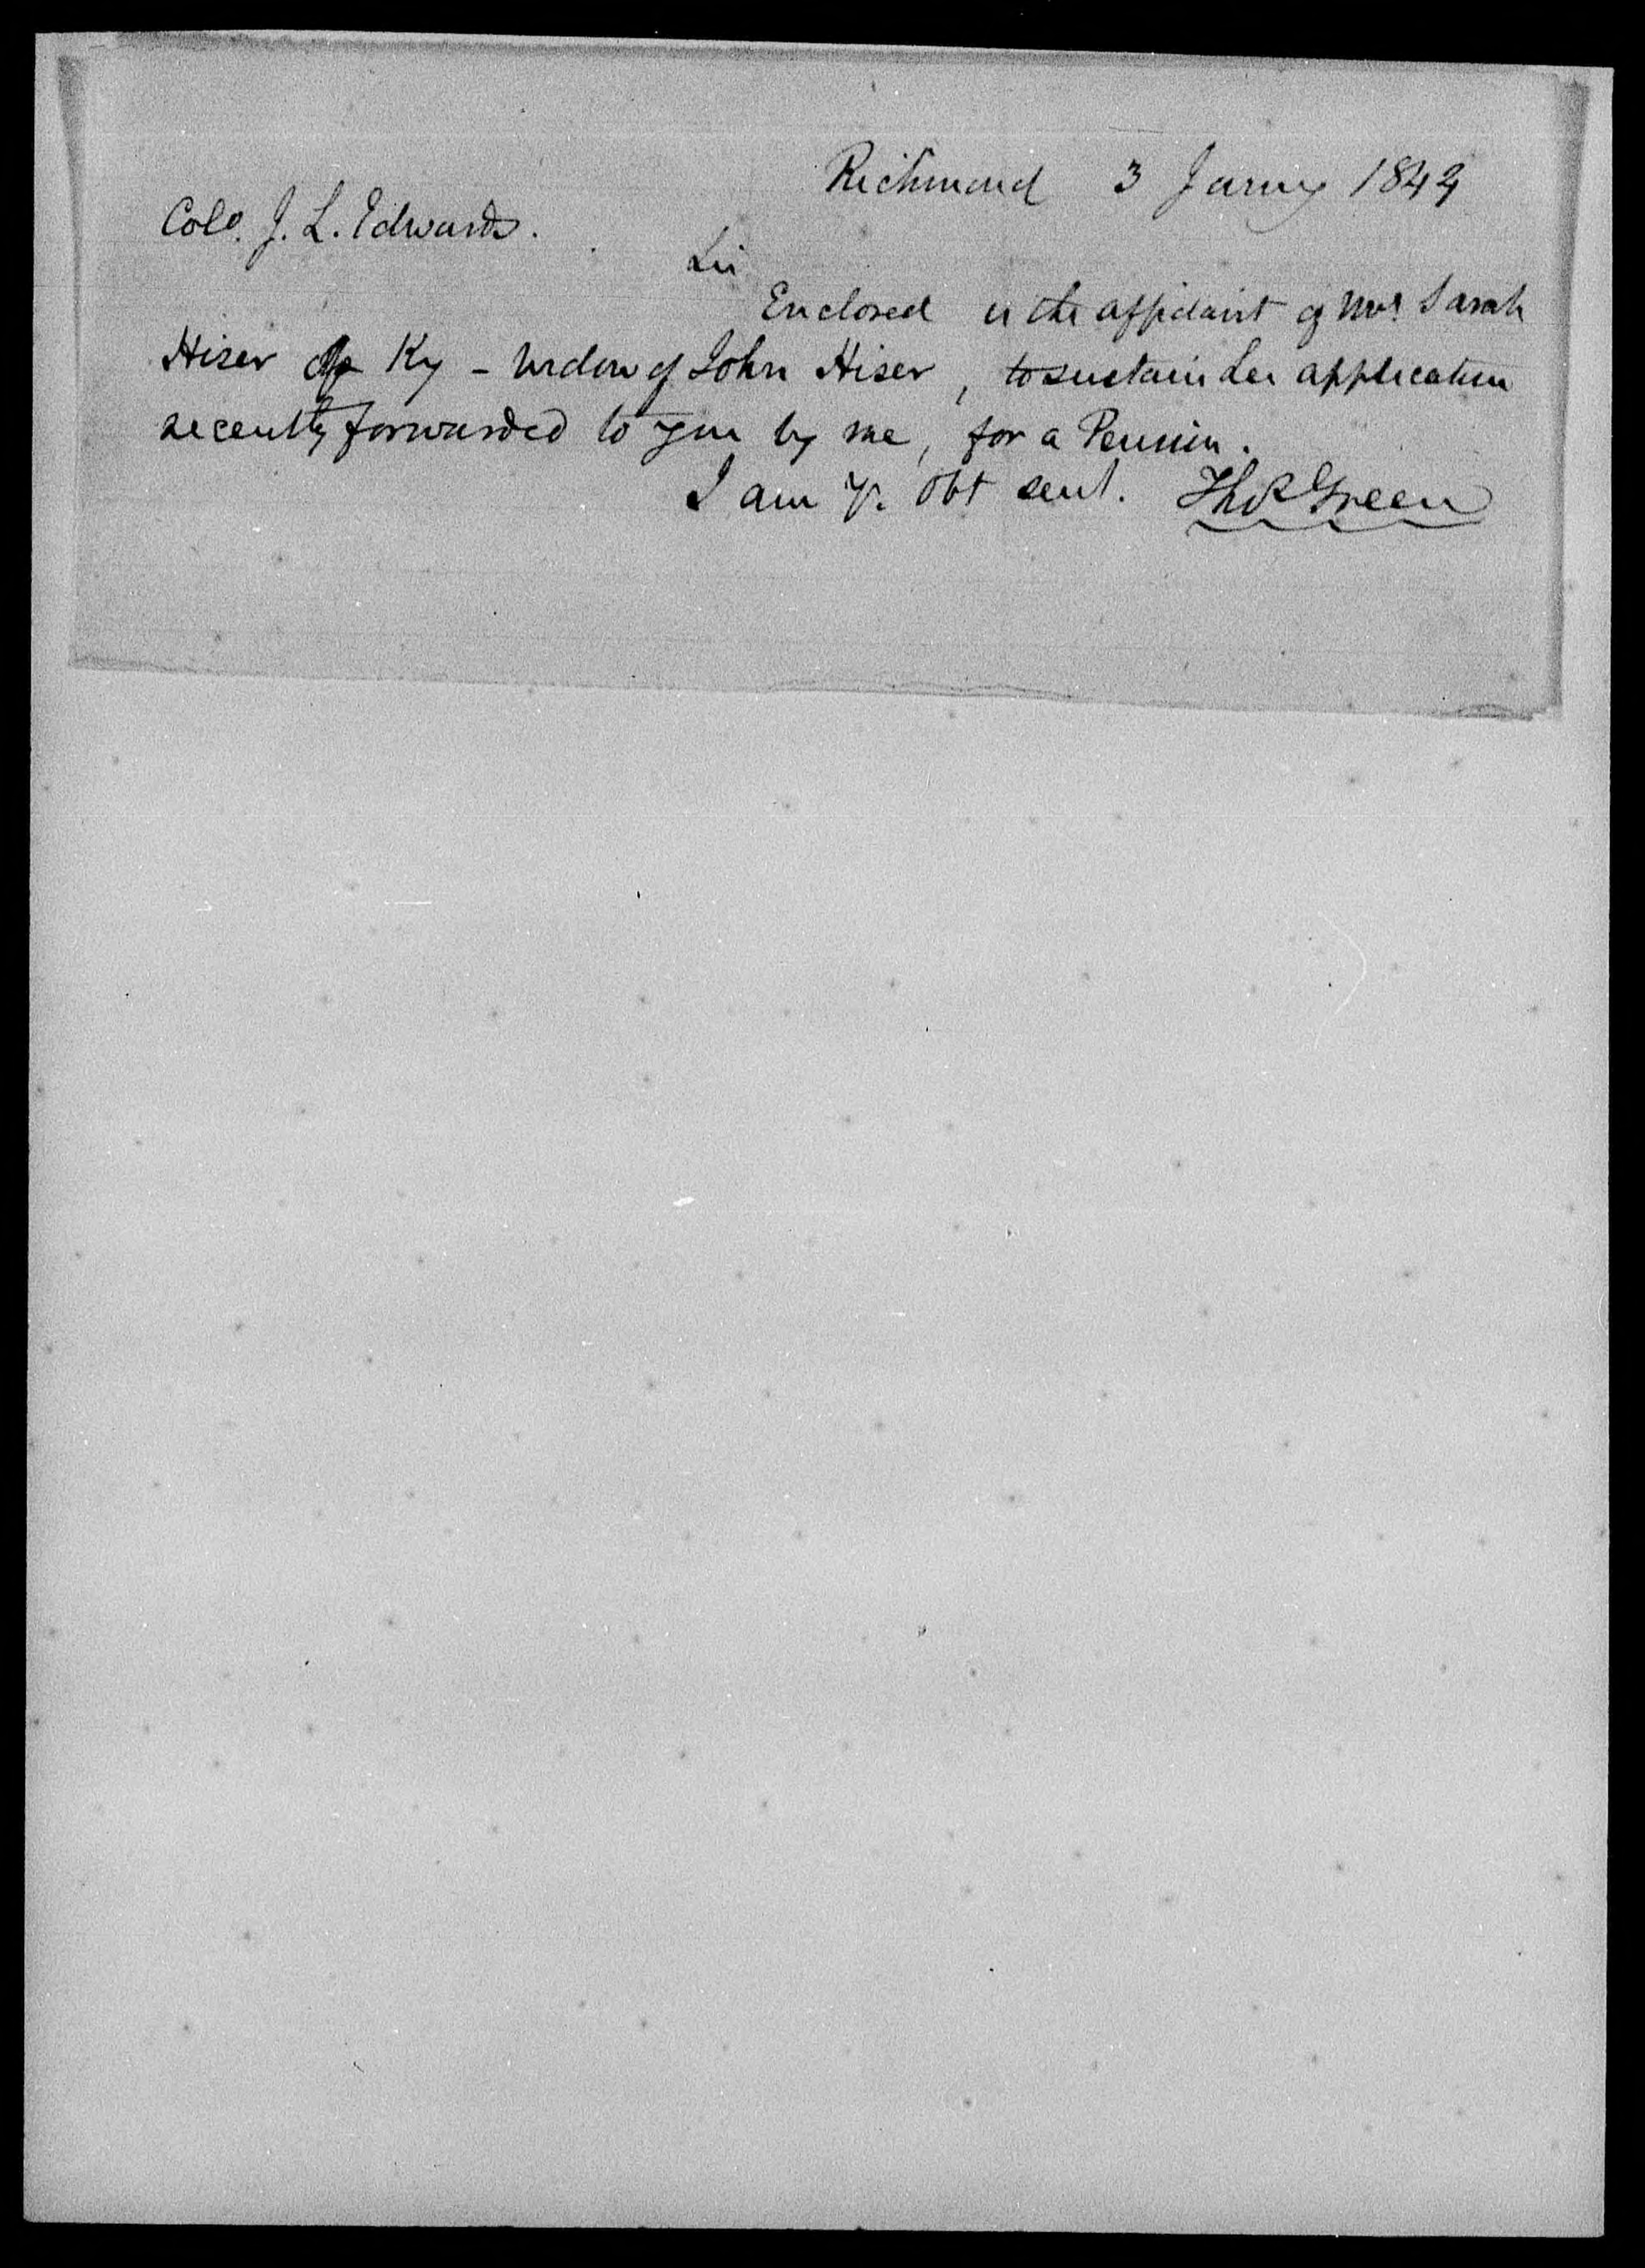Richmond 3 Jany 1844
Col. J.L. Edwards
Sir
Enclosed is the affidavit of Mrs Sarah
Hiser of KY - widow of John Hiser, to sustain her application recently forwarded to you by me, for a Pension.
I am yr. obt sevt. 
Thos Green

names: J L Edwards, Thos Green, John Hiser, Sarah Hiser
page: 18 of 58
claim: widow's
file: W. 8932, John Hiser, Penn.